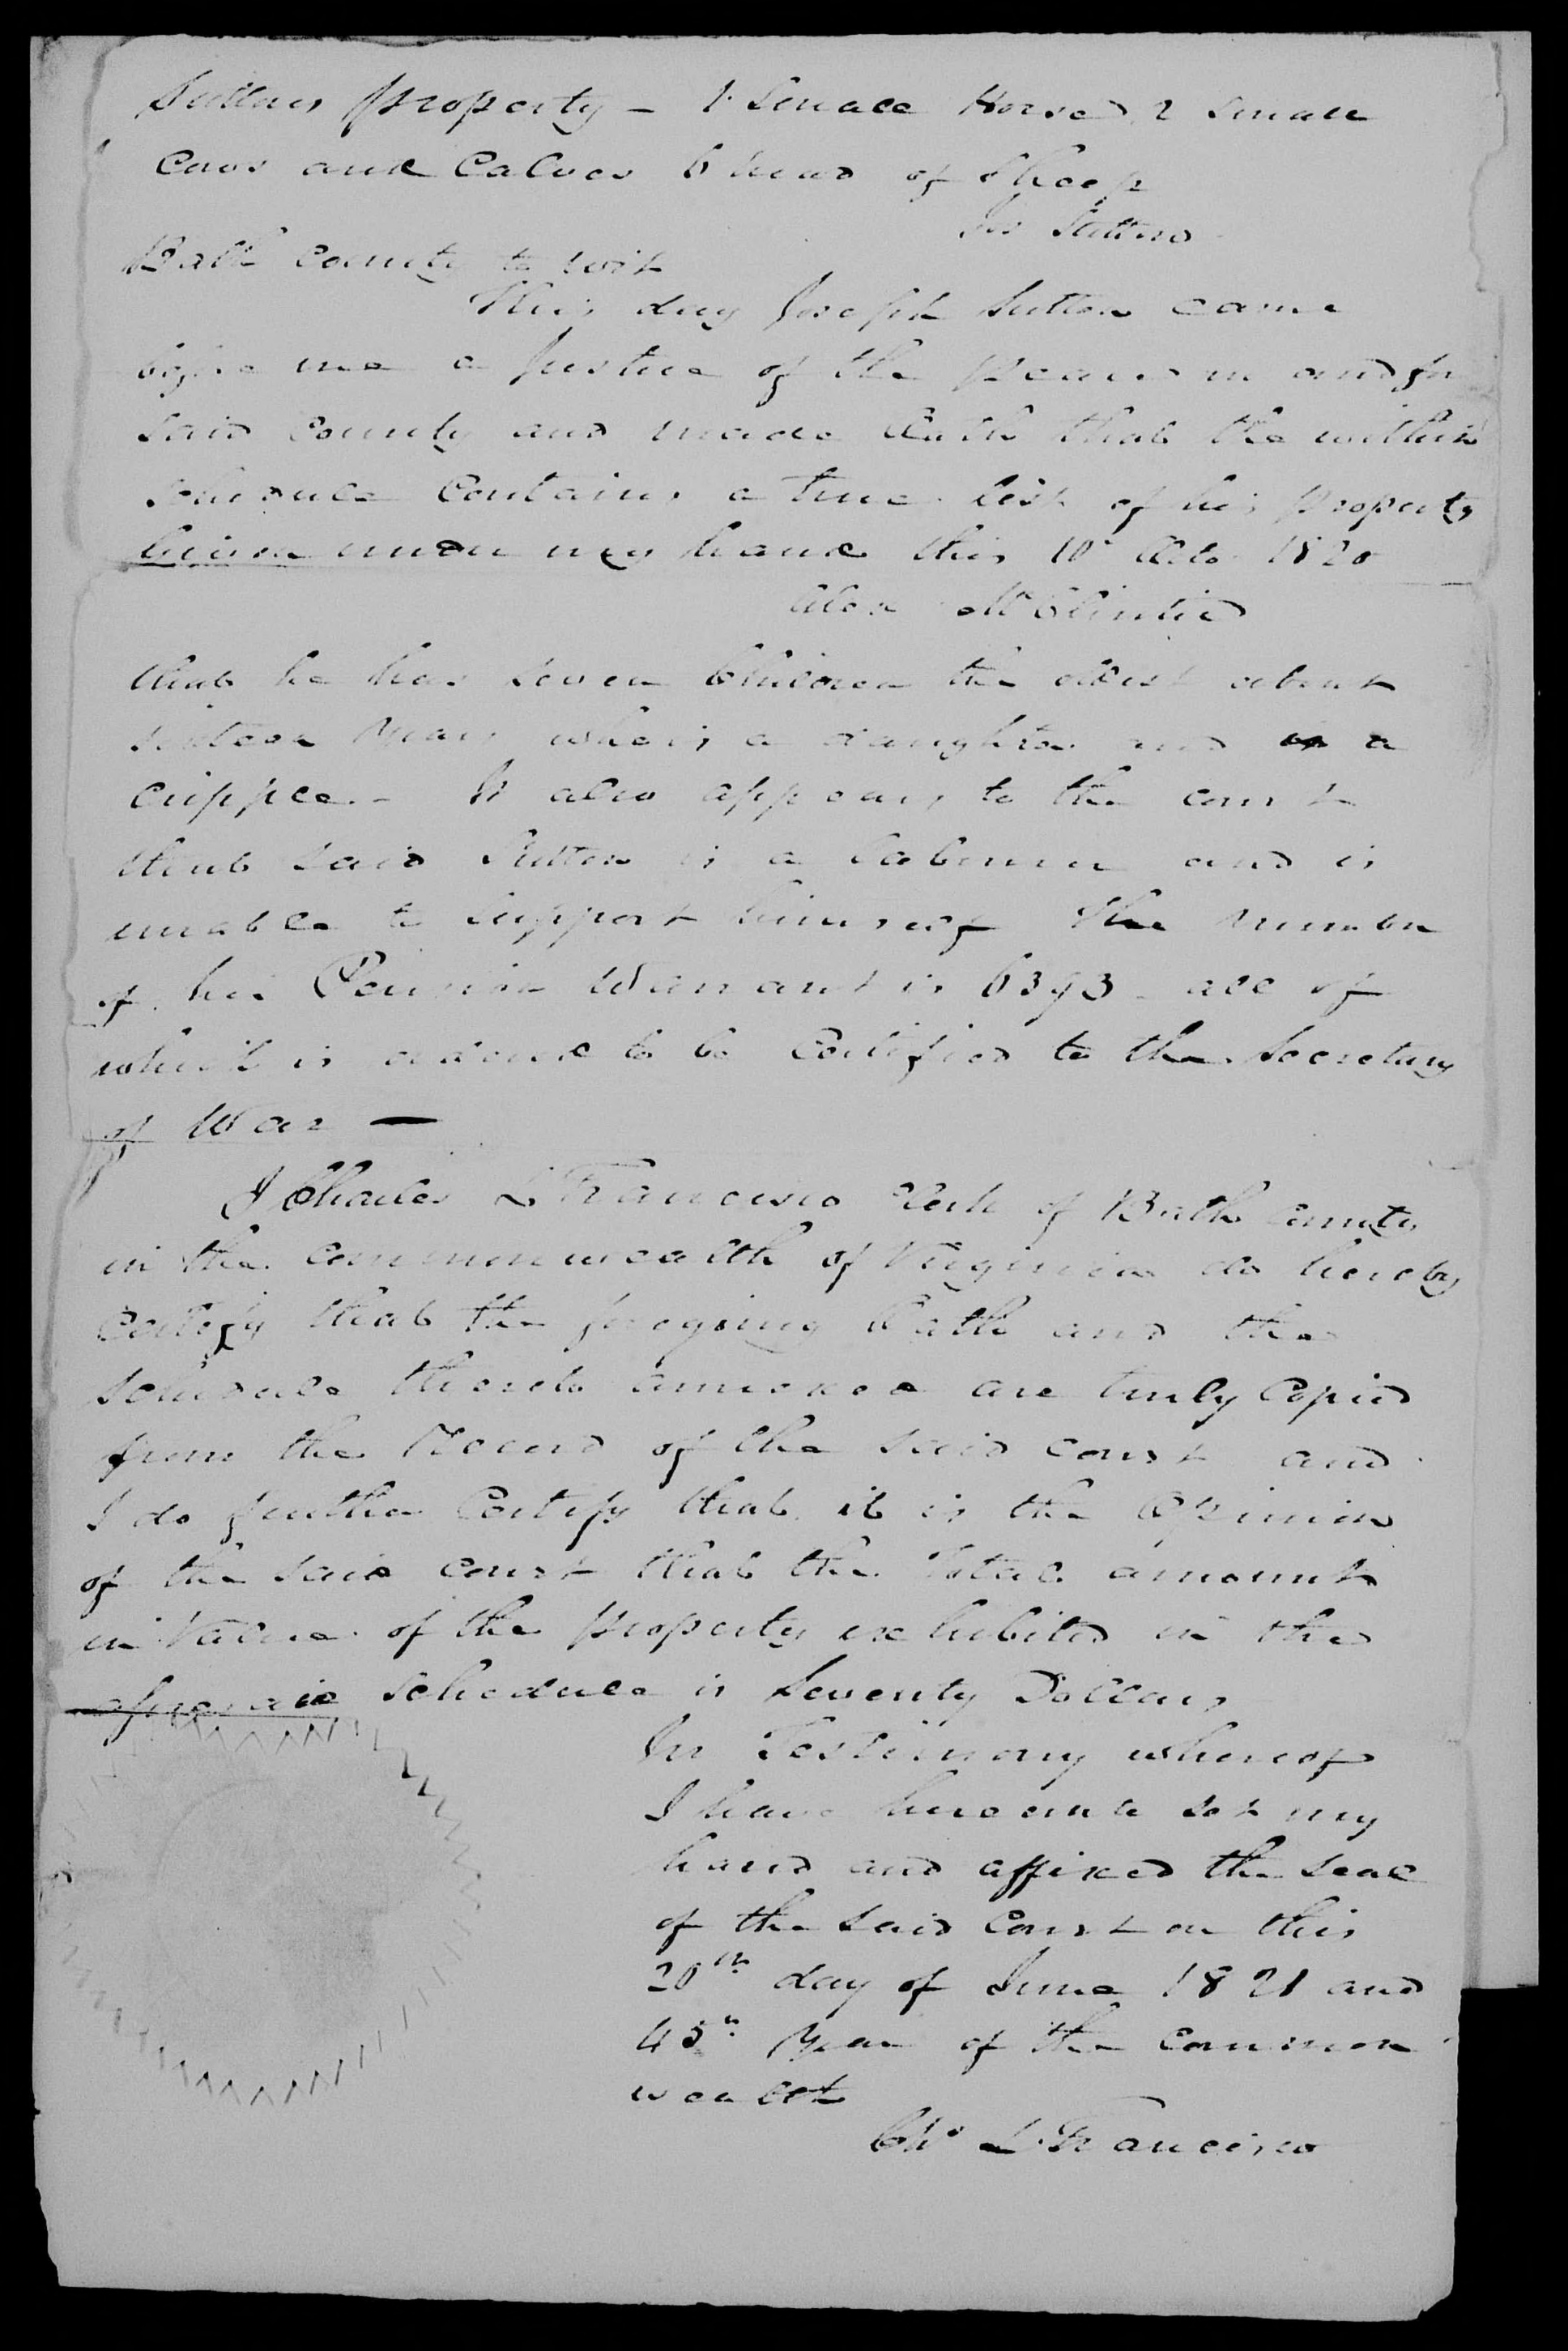Suttons property 1. small horse, 2. small cow and calves 6 head of sheep Joseph Sutton
Bath county to wit.
This day Joseph Sutton came before me a justice of the peace in and for said county and made oath that the within schedule contains a true list of his property given under my hand this 18th day 1820.
Abner Mclind
And he has seven children the oldest about sixteen years which a daughter and a certificate in also appears to the court that said Sutton is a labor man and is unable to support himself the number of his pension warrant   6343 all of which is added to the certified to the secretary of war.
I Clark L. Francis clerk of Bath county in the commonwealth of Virginia do hereby certify that the foregoing oath and that schedule thereto amend are truly copied from the record of the said court and I do further certify that it is the opinion of the said court that the total amount in value of the property exhibited in the aforesaid schedule is seventy dollars.
In testimony whereof I have hereunto set my hand and affixed the seal of the said court on this 20th day of June 1821 and 45th year of the Commonwealth.
C.L. Francis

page: 12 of 21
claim: survivor's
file: S. 41223, for Joseph Sutton, Virginia